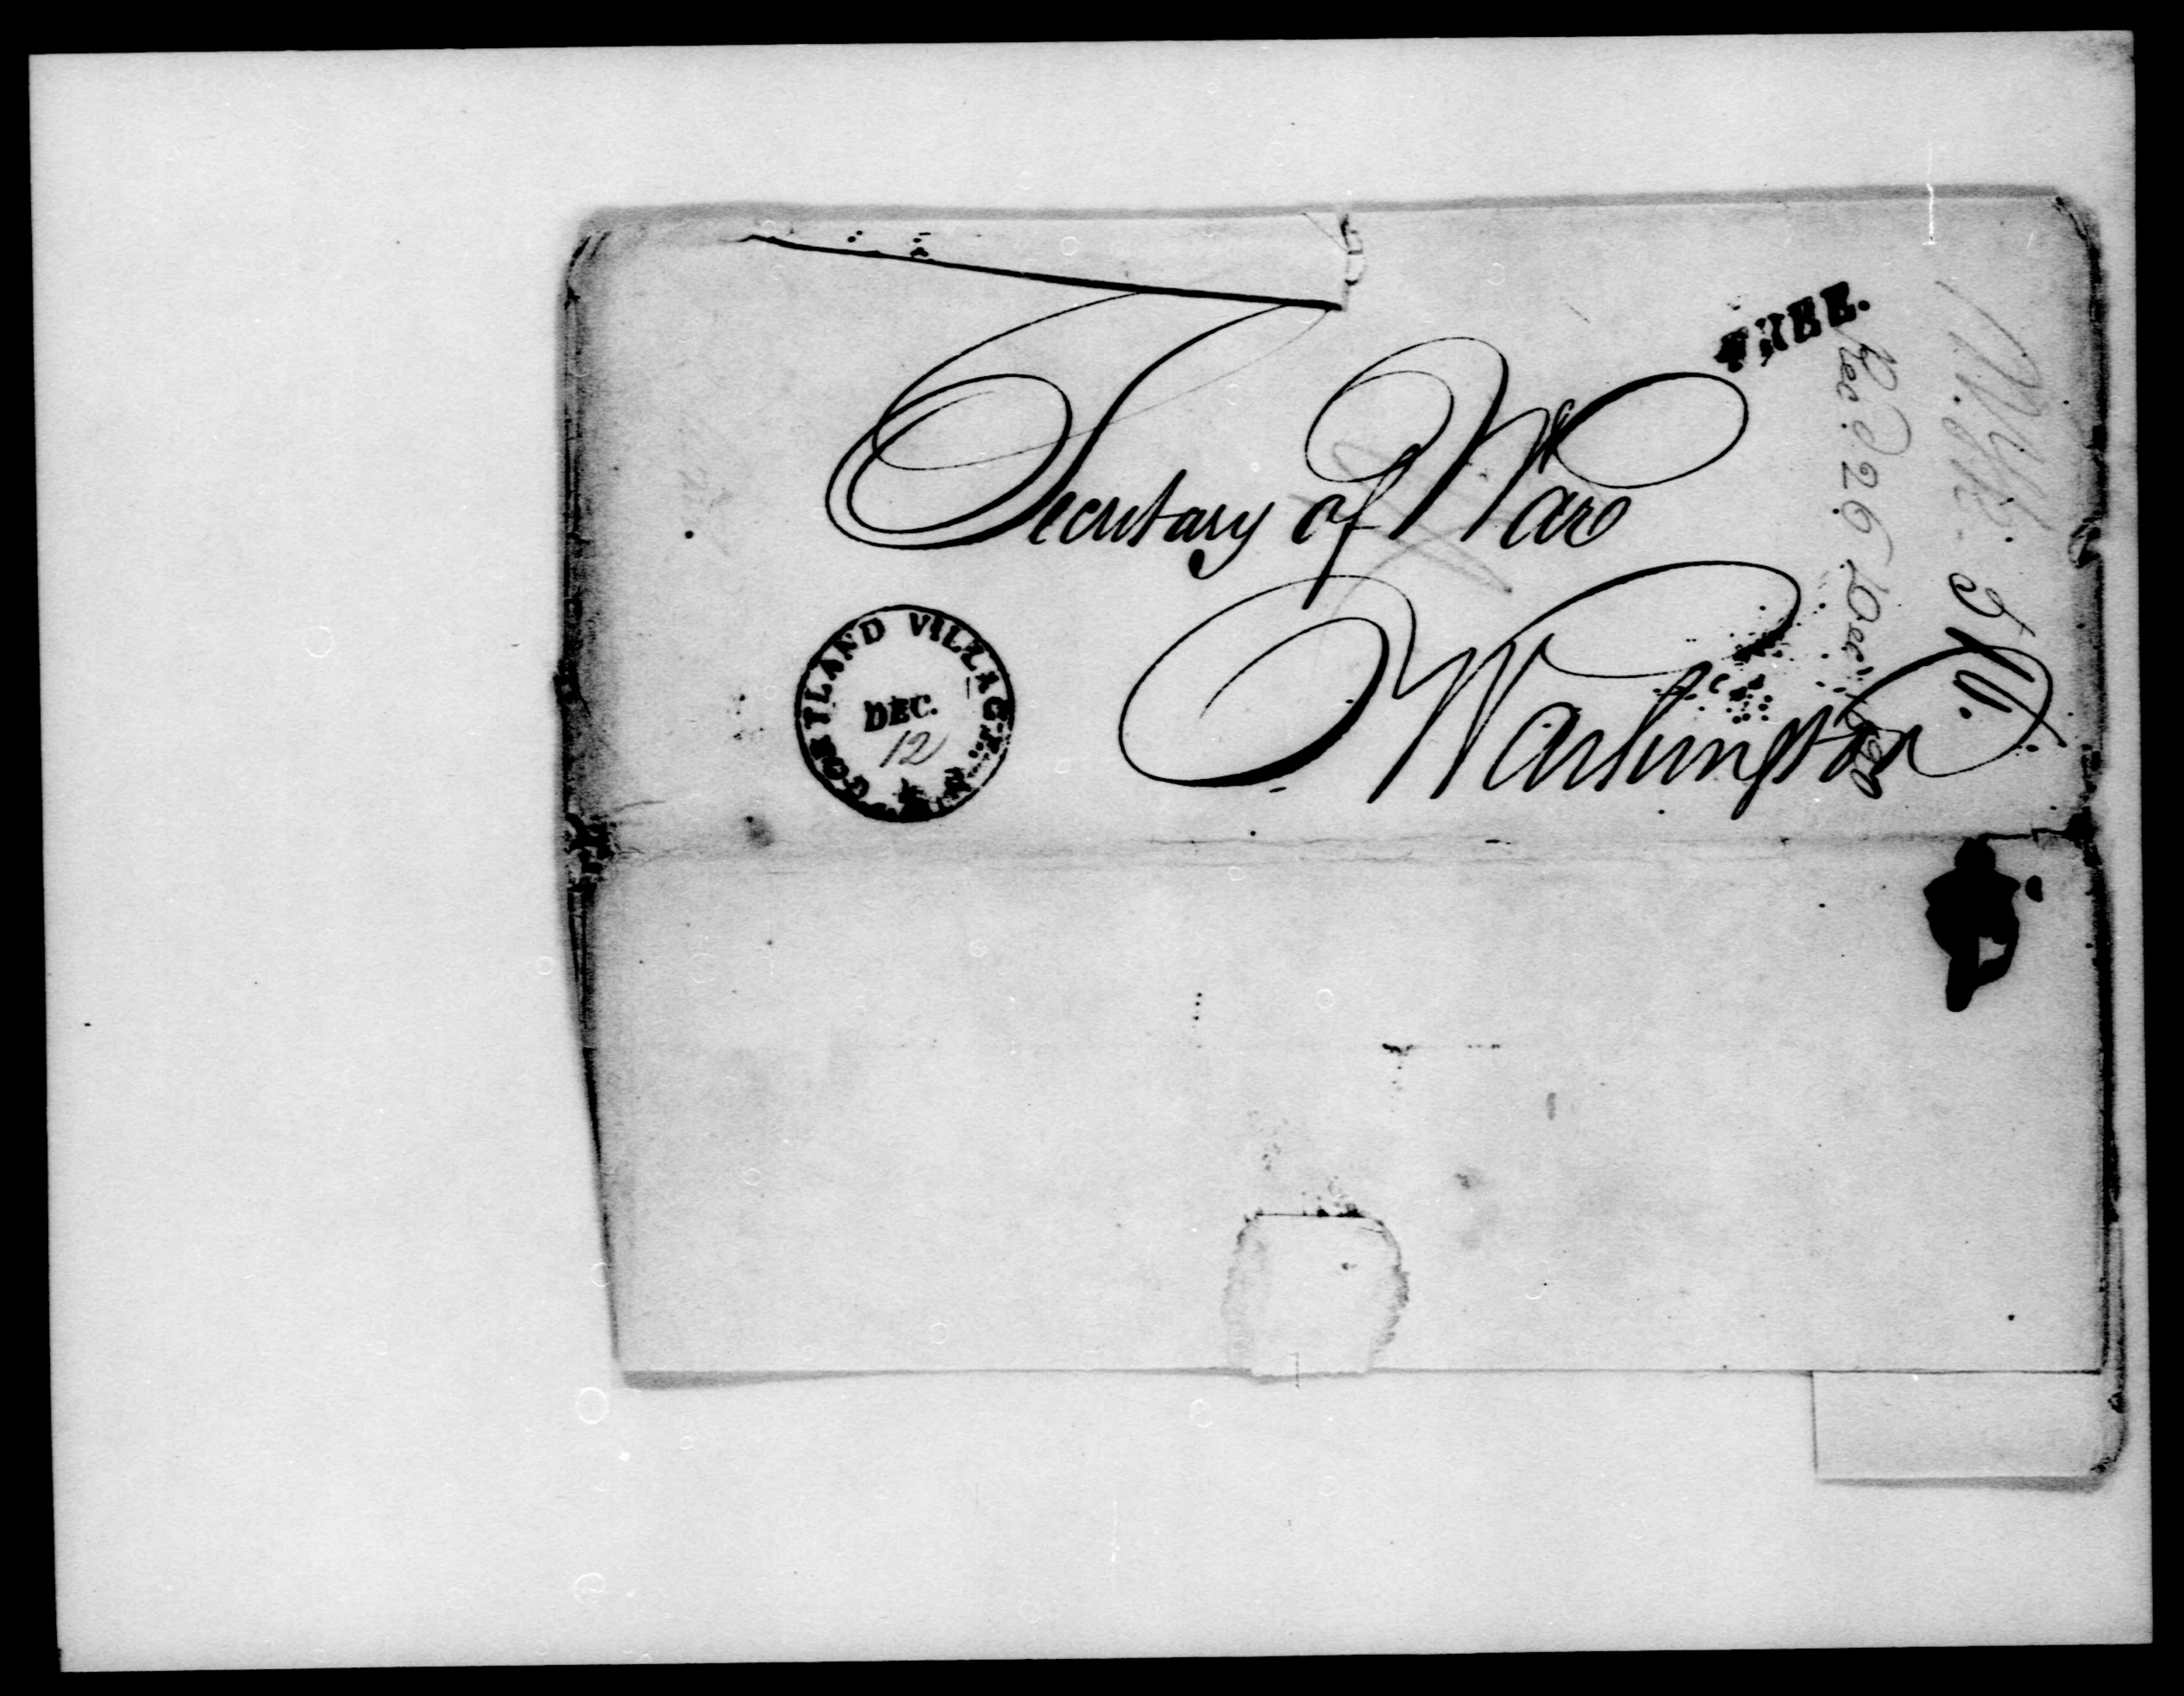FREE (top right corner)
Secretary of War
Washington

NYR 516 Rec.d 26 Dec 1890

Circular stamp: [illegible] TLAND VILLAGE DEC 12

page: 34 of 105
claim: survivor's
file: S. 1883, Richard Vernon, N.C.